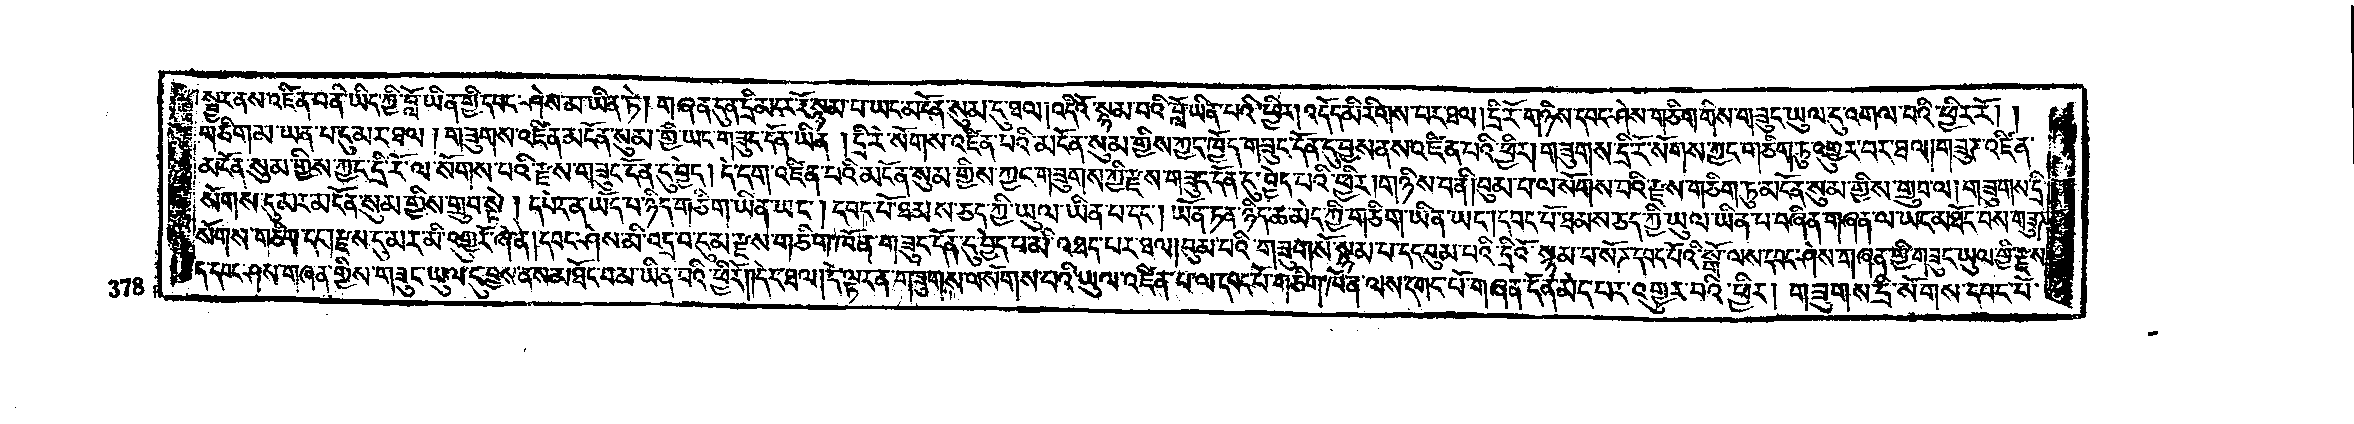སྦྱར་ནས་འཛིན་པ་ནི་ཡིད་ཀྱི་བློ་ཡིན་གྱི་དབང་ཤེས་མ་ཡིན་ཏེ། གཞན་དུན་དྲི་མངར་རྣོ་སྙམ་པ་ཡང་མངོན་སུམ་དུ་ཐལ། འདིའོ་སྙམ་པའི་བློ་ཡིན་པའི་ཕྱིར། འདོད་མི་རིག་སྤར་ཐལ། དྲི་རོ་གཉིས་དབང་ཤེས་གཅིག་གིས་གཟུང་ཡུལ་དུ་འགལ་བའི་ཕྱིར་རོ། །
གཅིག་མ་ཡིན་པ་དུ་མར་ཐལ། གཟུགས་འཛིན་མངོན་སུམ་གྱི་ཡང་གཟུང་དོན་ཡིན། དྲི་རོ་སོགས་འཛིན་པའི་མངོན་སུམ་གྱིས་ཀྱང་ཁྱོད་གཟུང་དོན་དུ་བྱས་ནས་འཛིན་པའི་ཕྱིར། གཟུགས་དྲི་རོ་སོགས་ཀྱང་གཅིག་ཏུ་འགྱུར་བར་ཐལ། གཟུགས་འཛིན་
མངོན་སུམ་གྱིས་ཀྱང་དྲི་སོ་ལ་སོགས་པའི་རྫས་གཟུང་དོན་དུ་བྱེད། དེ་དག་འཛིན་པའི་མངོན་སུམ་གྱིས་ཀྱང་གཟུགས་ཀྱི་རྫས་གཟུང་དོན་དུ་བྱེད་པའི་ཕྱིར། གཉིས་པ་ནི། བུམ་པ་ལ་སོགས་པའི་རྫས་གཅིག་ཏུ་མངོན་སུམ་གྱིས་གྲུབ་ལ། གཟུགས་དྲི་
སོགས་དུ་མར་མངོན་སུམ་གྱིས་གྲུབ་སྟེ། དཔེར་ན་ཡོད་པ་ཉིད་གཅིག་ཡིན་ཡང་། དབང་པོ་ཐམས་ཅད་ཀྱི་ཡུལ་ཡིན་པ་དང་། ཡོན་ཏན་ཉིད་ཆ་མེད་ཀྱི་གཅིག་ཡིན་ཡང་། དབང་པོ་ཐམས་ཅད་ཀྱི་ཡུལ་ཡིན་པ་བཞིན་གཞན་ལ་ཡང་མཐོང་བས་གཟུགས་
སོགས་གཅིག་དང་། རྫས་དུ་མར་མི་འགྱུར་རོ་ཞེ་ན། དབང་ཤེས་མི་འདྲ་བ་དུ་མ་རྫས་གཅིག་ཀོ་ན་གཟུང་དོན་དུ་བྱེད་པ་མི་འཐད་པར་ཐལ། བུམ་པའི་གཟུགས་སོ་སྙོམ་པ་དང་བུམ་པའི་དྲིའོ་སྙམ་པ་སོགས་དབང་པོའི་སྒོ་ལས་དབང་ཤེས་གཞན་གྱི་གཟུང་ཡུལ་གྱི་རྫས་
དང་དབང་ཤེས་གཞན་གྱིས་གཟུང་ཡུལ་དུ་བྱས་ནས་མཐོང་བ་མ་ཡིན་པའི་ཕྱིར་རོ། །དེར་ཐལ། དེ་ལྟར་ན་གཟུགས་ལ་སོགས་པའི་ཡུལ་འཛིན་པ་ལ་དབང་པོ་གཅིག་ཁོ་ན་ལས་དགང་པོ་གཞན་དོན་མེད་པར་འགྱུར་བའི་ཕྱིར། གཟུགས་དྲི་སོགས་དབང་པོ་